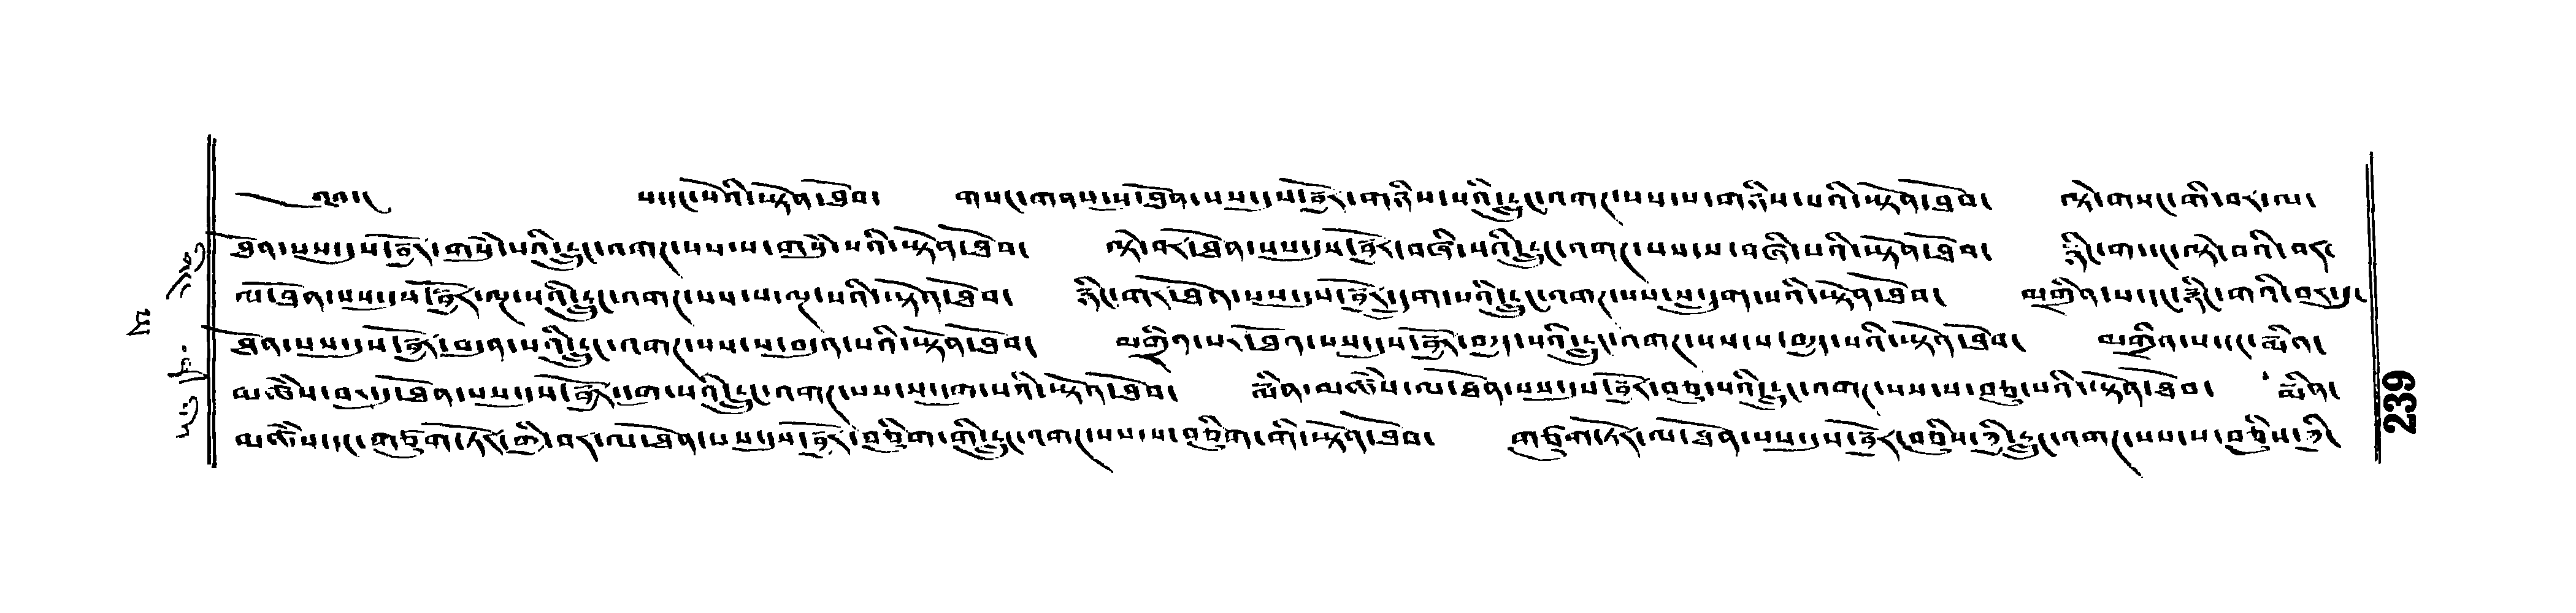ས་དང་པོའི་ཡོན་ཏན་ཐོབ། གསང་གནས་སུ་ཐོན་པས་དུས་སྦྱོར་གཉིས་པའི་རླུང་འགགས་པས་ས་གཉིས་པའི་ཡོན་ཏན་ཐོབ། ལྟེ་གསང་གི་བར་ལ
་ཐོན་པས་དུས་སྦྱོར་གསུམ་པའི་རླུང་འགགས་པས་ས་གསུམ་པའི་ཡོན་ཏན་ཐོབ། ལྟེ་བར་ཐོན་པས་དུས་སྦྱོར་བཞི་པའི་རླུང་འགགས་པས་ས་བཞི་པའི་ཡོན་ཏན་ཐོབ། སྙིང་ག་དང་ལྟེ་བའི་བར་
ལ་ཐོན་པས་དུས་སྦྱོར་ལྔ་པའི་རླུང་འགགས་པས་ས་ལྔ་པའི་ཡོན་ཏན་ཐོབ། སྙིང་གར་ཐོན་པས་དུས་སྦྱོར་དྲུག་པའི་རླུང་འགགས་པས་དྲུག་པའི་ཡོན་ཏན་ཐོབ། མགྲིན་པ་དང་སྙིང་གའི་བར་དུ་
ཐོན་པས་དུས་སྦྱོར་བདུན་པའི་རླུང་འགགས་པས་ས་བདུན་པའི་ཡོན་ཏན་ཐོབ། མགྲིན་པར་ཐོན་པས་དུས་སྦྱོར་བརྒྱད་པའི་རླུང་འགགས་པས་ས་བརྒྱད་པའི་ཡོན་ཏན་ཐོབ། མགྲིན་པ་དང་སྨིན་
མཚམས་བར་དུ་ཐོན་པས་དུས་སྦྱོར་དགུ་པའི་རླུང་འགགས་པས་ས་དགུ་པའི་ཡོན་ཏན་ཐོབ། སྨིན་མཚམས་ལ་ཐོན་པས་དུས་སྦྱོར་བཅུ་པའི་རླུང་འགགས་པས་ས་བཅུ་པའི་ཡོན་ཏན་ཐོབ།སྨིན་
མཚམས་དང་གཙུག་ཏོར་གྱི་བར་ལ་ཐོན་པས་དུས་སྦྱོར་བཅུ་གཅིག་གི་རླུང་འགགས་པས་ས་བཅུ་གཅིག་གི་ཡོན་ཏན་ཐོབ། གཙུག་ཏོར་ལ་ཐོན་པས་དུས་སྦྱོར་བཅུ་གཉིས་ཀྱི་རླུང་འགགས་པས་ས་བཅུ་གཉིས་ཀྱི་